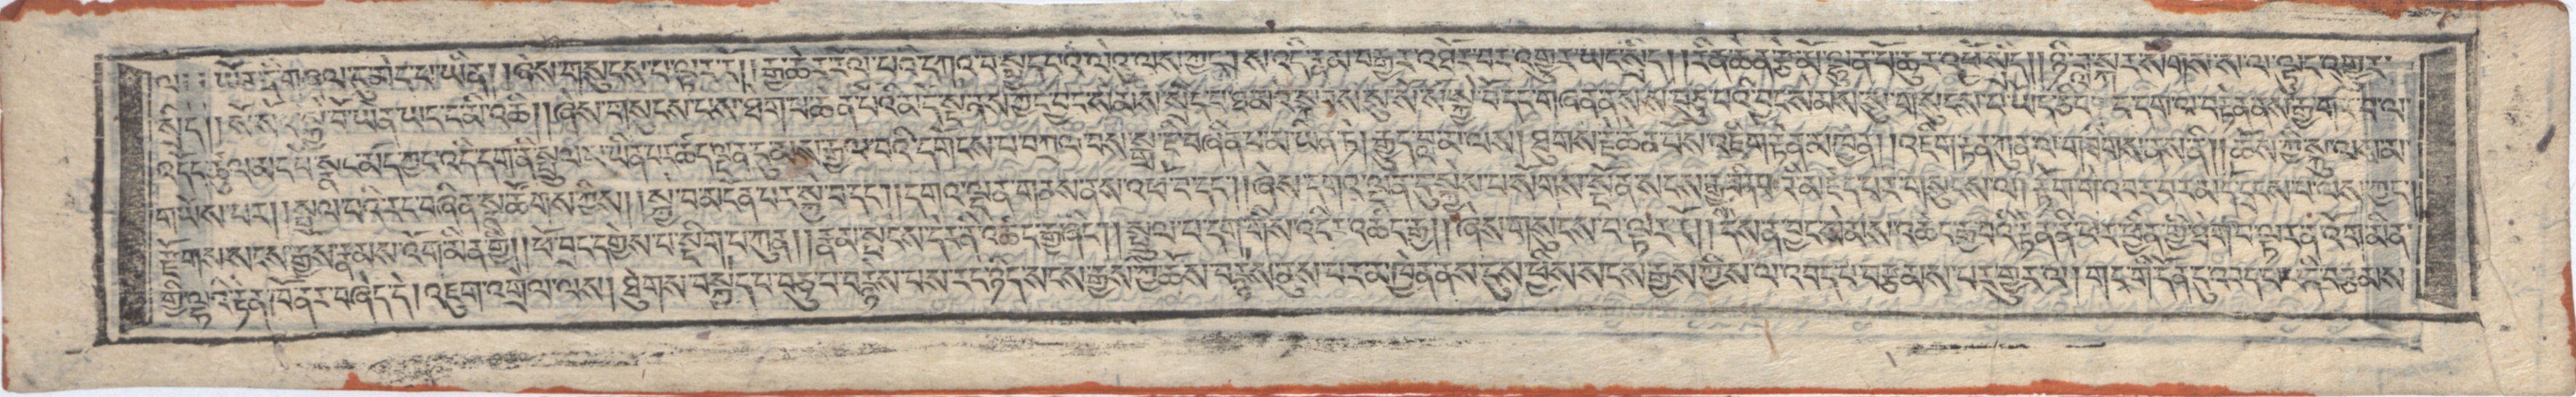ལ། །ཡོན་ནི་གཞལ་དུ་མེད་པ་ཡིན། །ཞེས་གསུངས་པ་ལྟར་རོ། །རྒྱ་ཆེར་རོལ་པའི་དཀའ་བ་སྤྱད་པའི་ལེའུ་ལས་ཀྱང་། ས་འདི་རྣམ་བརྒྱར་འཐོར་བར་འགྱུར་ཡང་སྲིད། །རིན་ཆེན་རྩེ་མོ་ལྷུན་པོ་ཆུར་འཕྱོ་སྲིད། །ཉི་བླ་སྐར་སོགས་ས་ལ་ལྟུང་འགྱུར་
སྲིད། །སོ་སོའི་སྐྱེ་བོ་ཡིན་ཡང་ང་མི་འཆི། །ཞེས་གསུངས་པས་ཐེག་པ་ཆེན་པོའི་མདོ་སྡེ་ནས་ཀྱང་བྱང་སེམས་སྲིད་པ་ཐ་མའི་སྐབས་སུ་སོ་སོ་སྐྱེ་བོ་དང་གཞན་ནས་ས་བཅུ་པའི་བྱང་སེམས་སུ་གསུངས་པ་ཡོད་ཅིང་། དེ་དག་ལ་བརྟེན་ནས་རྒྱ་གར་བ་ལ་
འདོད་ཚུལ་མང་པོ་སྣང་མོད་ཀྱང་འདི་དག་ནི་སྤྲུལ་པ་ཡིན་པར་ཚད་ལྡན་དུ་མས་རྒྱལ་བའི་དགོངས་པ་བཀྲལ་བས་སྒྲ་ཇི་བཞིན་པ་མ་ཡིན་ཏེ། རྒྱུད་བླ་མ་ལས། ཐུགས་རྗེ་ཆེན་པོས་འཇིག་རྟེན་མཁྱེན། །འཇིག་རྟེན་ཀུན་ལ་གཟིགས་ནས་ནི། །ཆོས་ཀྱི་སྐུ་ལས་མ་
གཡོས་པར། །སྤྲུལ་པའི་རང་བཞིན་སྣ་ཚོགས་ཀྱིས། །སྐྱེ་བ་མངོན་པར་སྐྱེ་བ་དང་། །དགའ་ལྡན་གནས་ནས་འཕོ་བ་དང་། །ཞེས་དགའ་ལྡན་དུ་སྐྱེས་པ་སོགས་སྔོན་སངས་རྒྱས་ཟིན་པའི་མཛད་པར་གསུངས་ལ། རྟོག་གེ་འབར་བར་མདོ་དྲངས་པ་ལས་ཀྱང་།
རྫོགས་སངས་རྒྱས་རྣམས་འོག་མིན་གྱི། །ཕོ་བྲང་དགྱེས་པ་སྡིག་པ་ཀུན། །རྣམ་སྤངས་དེར་ནི་འཚང་རྒྱ་ཞིང་། །སྤྲུལ་པ་དག་གིས་འདིར་འཚང་རྒྱ། །ཞེས་གསུངས་པ་ལྟར་རོ། །དེས་ན་བྱང་སེམས་འཚང་རྒྱ་བའི་རྟེན་ནི་ཕར་ཕྱིན་གྱི་ཐེག་པ་ལྟར་ན་འོག་མིན་
གྱི་ལྷའི་རྟེན་ཁོ་ནར་བཞེད་དོ། འཇུག་འགྲེལ་ལས། ཐུགས་བསྐྱེད་པ་བཅུ་པ་བརྙེས་པས་རང་ཉིད་སངས་རྒྱས་ཀྱི་ཆོས་བརྙེས་ནུས་པར་མཁྱེན་ནས་དུས་ཕྱིས་སངས་རྒྱས་ཀྱི་ས་ལ་འབད་པ་བརྩམས་པར་གྱུར་ལ། གང་གི་དོན་དུ་འབད་པ་འདི་བརྩམས་